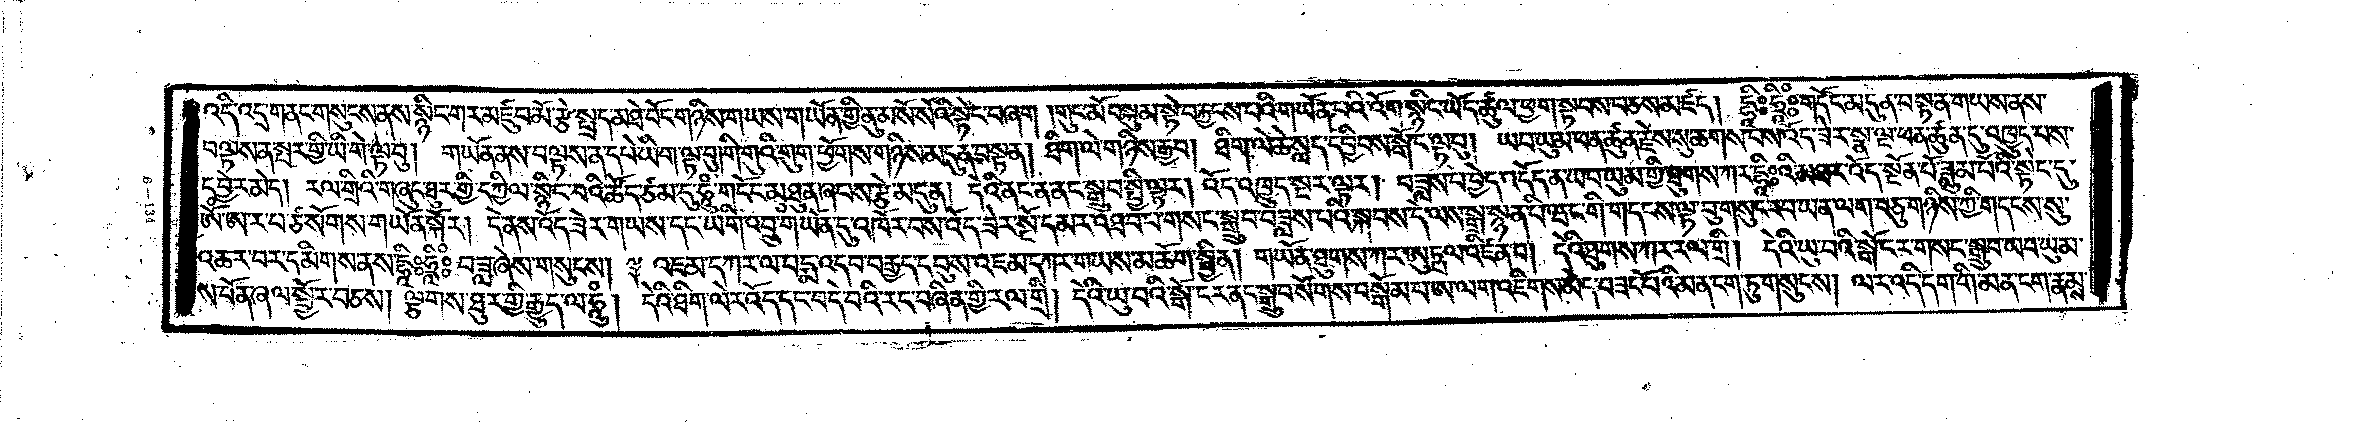འདི་འདྲ་གནང་གསུངས་ནས་སྙིང་གར་མཛུབ་མོ་རྩེ་སྤྲད་མཐེ་བོང་གཉིས་གཡས་གཡོན་གྱི་ནུ་མ་སོ་སོའི་སྟེང་བཞག །གུང་མོ་བསྐུམ་སྟེ་བརྐྱངས་པའི་གཡོན་པའི་འོག་སྙིང་ཡོད་ཚུལ་ཕྱག་སྟབས་བཅས་མཛད། དྷཱིཿཧྲཱིཾཿགདོང་མདུན་བསྟན་གཡས་ནས་
བལྟས་ན་སྤར་གྱི་ཡི་གེ་ལྟ་བུ། གཡོན་ནས་བལྟས་ན་དཔེ་ཡིག་ལྟ་བུ། གི་གུའི་གུག་ཕྱོགས་གཉིས་མདུན་བསྟན། ཐིག་ལེ་གཉིས་རྒྱབ། ཐིག་ལེ་ཆེ་སླད་དབྱིབས་སྒོ་ང་ལྟ་བུ། ཡབ་ཡུམ་ཕན་ཚུན་རྗེས་སུ་ཆགས་པས་འོད་ཟེར་སྣ་ལྔ་ཕན་ཚུན་དུ་འཁྱུད་པས་
དབྱེར་མེད། རལ་གྲིའི་གཞུང་ཐུར་གྱི་དཀྱིལ་སྙིང་བའི་ཚོད་ཙམ་དུ་ཧཱུཾ་གདོང་མཐུན་ཞབས་རྩེ་མདུན། དེའི་ནང་ན་ནང་སྒྲུབ་སྤྱི་ལྟར། འོད་འཁྱུད་སྔར་ལྟར། བཟླས་པ་བྱེད་འདོད་ན་ཡབ་ཡུམ་གྱི་ཐུགས་ཀར་དྷཱིཿའི་མཐར་འོད་སྔོན་པོ་ཟླུམ་པོའི་སྟེང་དུ་
ཨོཾ་ཨ་ར་པ་ཙ་སོགས་གཡོན་སྐོར། དེ་ནས་འོད་ཟེར་གཡས་དང་ཡིག་འབྲུ་གཡོན་དུ་འཁོར་བས་འོད་ཟེར་སྔོ་དམར་འཐབ་པ་གསང་སྒྲུབ་བཟླས་པའི་སྐབས་དེ་ལས་སྒྲ་སྙན་པི་ཝང་གི་གདངས་ལྟ་བུ་གསུང་རབ་ཡན་ལག་བཅུ་གཉིས་ཀྱི་གདངས་སུ་
འཆར་བར་དམིགས་ནས་དྷཱིཿཧྲཱིཿབཟླ་ཞེས་གསུངས། ༈ འཇམ་དཀར་ལ་པདམ་འདབ་བརྒྱད་དབུས་འཇམ་དཀར་གཡས་མཆོག་སྦྱིན། གཡོན་ཐུགས་ཀར་ཨུཏྤལ་འཛིན་བ། དེའི་ཐུགས་ཀར་རལ་གྲི། དེའི་ཡུ་བའི་སྒོ་ངར་གསང་སྒྲུབ་ཡབ་ཡུམ་
ས་བོན་ཞལ་སྦྱོར་བཅས། ལྕགས་ཐུར་གྱི་རྒྱུད་ལ་ཧཱུཾ། དེའི་ཐིག་ལེར་འོད་དང་བདེ་བའི་རང་བཞིན་གྱི་རལ་གྲི། དེའི་ཡུ་བའི་སྒོ་ངར་ནང་སྒྲུབ་སོགས་བསྒོམ་པ་ཨ་ལག་འཇིགས་མེད་བཟང་པོའི་མན་ངག་ཏུ་གསུངས། ལར་འདི་དག་གི་མན་ངག་རྣམས་